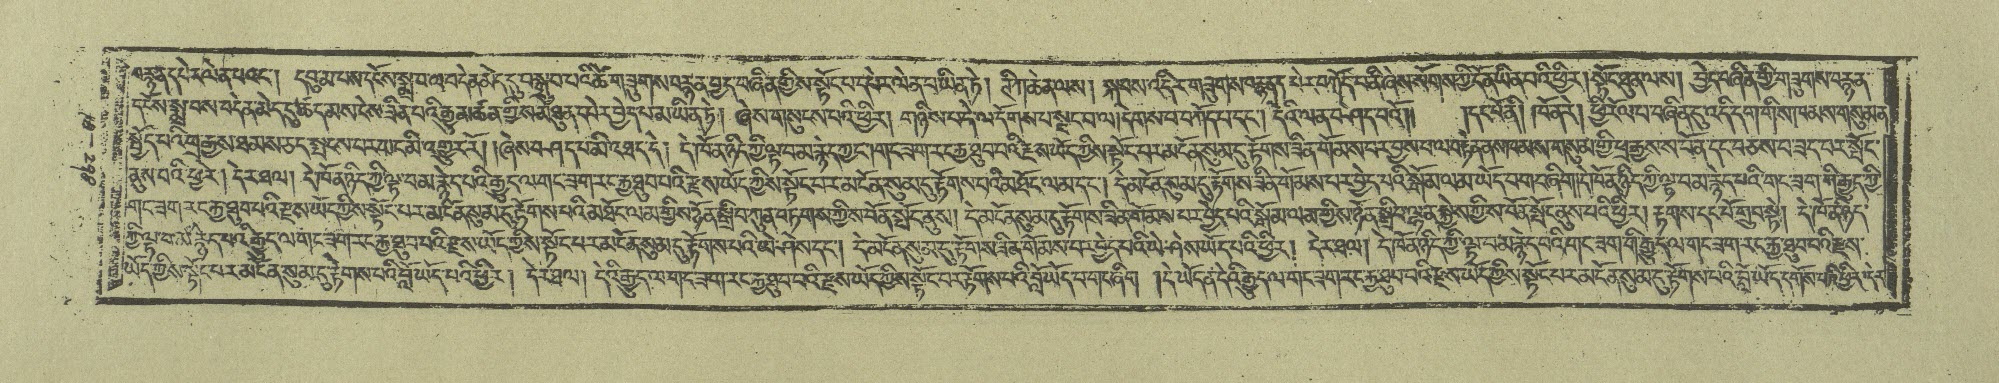བརྙན་དཔེར་ལེན་པའང་། དབུ་མ་པས་དངོས་སྨྲ་བ་ལ་བདེན་མེད་དུ་བསྒྲུབ་པའི་ཚེ་གཟུགས་བརྙན་བྱད་བཞིན་གྱིས་སྟོང་པ་དཔེར་ལེན་པ་ཡིན་ཏེ། ཊིཀ་ཆེན་ལས། སྐབས་འདིར་གཟུགས་བརྙན་དཔེར་བཀོད་པ་ནི་ཞེས་སོགས་ཀྱི་དོན་ཡིན་པའི་ཕྱིར། སྟོང་ཐུན་ལས། བྱེད་བཞིན་གྱི་གཟུགས་བརྙེན་
དངོས་སྨྲ་བས་བདེན་མེད་དུ་ཚད་མས་ངེས་ཟིན་པའི་རྒྱུ་མཚན་གྱིས་མཐུན་དཔེར་བྱེད་པ་མ་ཡིན་ཏེ། ཞེས་གསུངས་པའི་ཕྱིར། གཉིས་པ་དེ་ལ་དོགས་པ་སྤང་བ་ལ། དོགས་པ་བཀོད་པ་དང་། དེའི་ལན་བཤད་པའོ། །དང་པོ་ནི། ཁོ་ན་རེ། ཕྱི་རོལ་པ་བཞིན་དུ་འདི་དག་གིས་ཁམས་གསུམ་ན་
སྤྱོད་པའི་ཕྲ་རྒྱས་ཐམས་ཅད་སྤངས་པར་ཡང་མི་འགྱུར་རོ། །ཞེས་བཤད་པ་མི་འཐད་དེ། དེ་ཁོ་ན་ཉིད་ཀྱི་ལྟ་བ་མ་རྙེད་ཀྱང་། གང་ཟག་རང་རྐྱ་ཐུབ་པའི་རྫས་ཡོད་ཀྱིས་སྟོང་པར་མངོན་སུམ་དུ་རྟོགས་ཟིན་གོམས་པར་བྱས་པ་ལ་བརྟེན་ནས་ཁམས་གསུམ་གྱི་ཕྲ་རྒྱས་ས་བོན་དང་བཅས་པ་ཟད་པར་སྤོང་
ནུས་པའི་ཕྱིར། དེར་ཐལ། དེ་ཁོ་ན་ཉིད་ཀྱི་ལྟ་བ་མ་རྙེད་པའི་རྒྱུད་ལ་གང་ཟག་རང་རྐྱ་ཐུབ་པའི་རྫས་ཡོད་ཀྱིས་སྟོང་པར་མངོན་སུམ་དུ་རྟོགས་པའི་མཐོང་ལམ་དང་། དེ་མངོན་སུམ་དུ་རྟོགས་ཟིན་གོམས་པར་བྱེད་པའི་སྒོམ་ལམ་ཡོད་པ་གང་ཞིག །དེ་ཁོ་ན་ཉིད་ཀྱི་ལྟ་བ་མ་རྙེད་པའི་གང་ཟག་གི་རྒྱུད་ཀྱི་
གང་ཟག་རང་རྐྱ་ཐུབ་པའི་རྫས་ཡོད་ཀྱི་སྟོང་པར་མངོན་སུམ་དུ་རྟོགས་པའི་མཐོང་ལམ་གྱིས་ཉོན་སྒྲིབ་ཀུན་བཏགས་ཀྱི་ས་བོན་སྤོང་ནུས། དེ་མངོན་སུམ་དུ་རྟོགས་ཟིན་གོམས་དང་བྱེད་པའི་སྒོམ་ལམ་གྱིས་ཉོན་སྒྲིབ་ལྷན་སྐྱེས་ཀྱི་ས་བོན་སྤོང་ནུས་པའི་ཕྱིར། རྟགས་དང་པོ་གྲུབ་སྟེ། དེ་ཁོ་ན་ཉིད་
ཀྱི་ལྟ་བ་མ་རྙེད་པའི་རྒྱུད་ལ་གང་ཟག་རང་རྐྱ་ཐུབ་པའི་རྫས་ཡོད་ཀྱིས་སྟོང་པར་མངོན་སུམ་དུ་རྟོགས་པའི་ཡེ་ཤེས་དང་། དེ་མངོན་སུམ་དུ་རྟོགས་ཟིན་གོམས་པར་བྱེད་པའི་ཡེ་ཤེས་ཡོད་པའི་ཕྱིར། དེར་ཐལ། དེ་ཁོ་ན་ཉིད་ཀྱི་ལྟ་བ་མ་རྙེད་པའི་གང་ཟག་གི་རྒྱུད་ལ་གང་ཟག་རང་རྐྱ་ཐུབ་པའི་རྫས་
ཡོད་ཀྱིས་སྟོང་པར་མངོན་སུམ་དུ་རྟོགས་པའི་བློ་ཡོད་པའི་ཕྱིར། དེར་ཐལ། དེའི་རྒྱུད་ལ་གང་ཟག་རང་རྐྱ་ཐུབ་པའི་རྫས་ཡོད་ཀྱིས་སྟོང་པར་རྟོགས་པའི་བློ་ཡོད་པ་གང་ཞིག །དེ་ཡོད་ན་དེའི་རྒྱུད་ལ་གང་ཟག་རང་རྐྱ་ཐུབ་པའི་རྫས་ཡོད་ཀྱིས་སྟོང་པར་མངོན་སུམ་དུ་རྟོགས་པའི་བློ་ཡོད་དགོས་པའི་ཕྱིར། དེར་